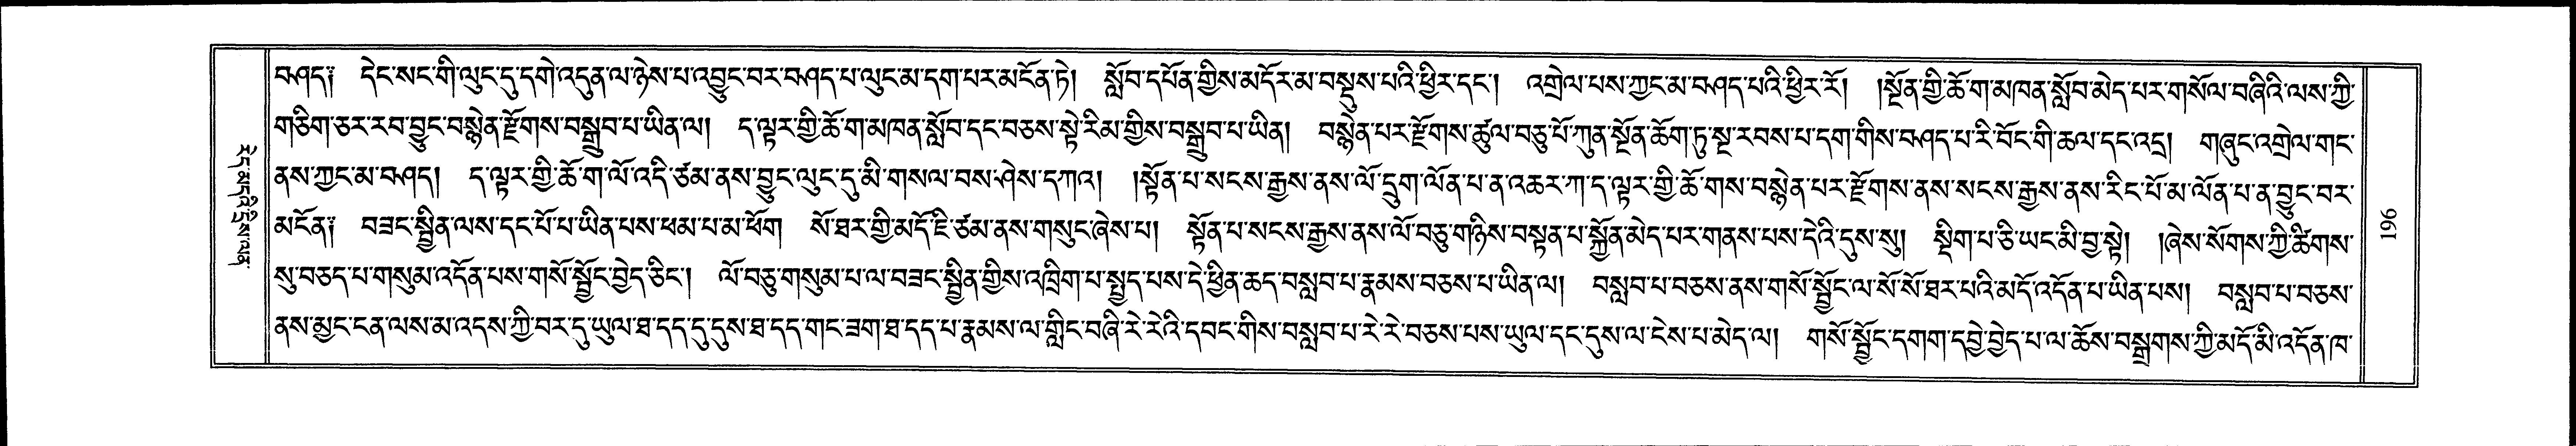བཤད། དེང་སང་གི་ལུང་དུ་དགེ་འདུན་ལ་ཉེས་པ་འབྱུང་བར་བཤད་པ་ལུང་མ་དག་པར་མངོན་ཏེ། སློབ་དཔོན་གྱིས་མདོར་མ་བསྡུས་པའི་ཕྱིར་དང་། འགྲེལ་པས་ཀྱང་མ་བཤད་པའི་ཕྱིར་རོ། །སྔོན་གྱི་ཆོ་ག་མཁན་སློབ་མེད་པར་གསོལ་བཞིའི་ལས་ཀྱི་
གཅིག་ཅར་རབ་བྱུང་བསྙེན་རྫོགས་བསྒྲུབ་པ་ཡིན་ལ། ད་ལྟར་གྱི་ཆོ་ག་མཁན་སློབ་དང་བཅས་སྟེ་རིམ་གྱིས་བསྒྲུབ་པ་ཡིན། བསྙེན་པར་རྫོགས་ཚུལ་བཅུ་པོ་ཀུན་སྔོན་ཆོག་ཏུ་སྔ་རབས་པ་དག་གིས་བཤད་པ་རི་བོང་གི་ཆལ་དང་འདྲ། གཞུང་འགྲེལ་གང་
ནས་ཀྱང་མ་བཤད། ད་ལྟར་གྱི་ཆོ་ག་ལོ་འདི་ཙམ་ནས་བྱུང་ལུང་དུ་མི་གསལ་བས་ཤེས་དཀའ། །སྟོན་པ་སངས་རྒྱས་ནས་ལོ་དྲུག་ལོན་པ་ན་འཆར་ཀ་ད་ལྟར་གྱི་ཆོ་གས་བསྙེན་པར་རྫོགས་ནས་སངས་རྒྱས་ནས་རིང་པོ་མ་ལོན་པ་ན་བྱུང་བར་
མངོན། བཟང་སྦྱིན་ལས་དང་པོ་པ་ཡིན་པས་ཕམ་པ་མ་ཕོག་སོ་ཐར་གྱི་མདོ་ཇི་ཙམ་ནས་གསུང་ཞེས་པ། སྟོན་པ་སངས་རྒྱས་ནས་ལོ་བཅུ་གཉིས་བསྟན་པ་སྐྱོན་མེད་པར་གནས་པས་དེའི་དུས་སུ། སྡིག་པ་ཅི་ཡང་མི་བྱ་སྟེ། །ཞེས་སོགས་ཀྱི་ཚིགས་
སུ་བཅད་པ་གསུམ་འདོན་པས་གསོ་སྦྱོང་བྱེད་ཅིང་། ལོ་བཅུ་གསུམ་པ་ལ་བཟང་སྦྱིན་གྱིས་འཁྲིག་པ་སྤྱད་པས་དེ་ཕྱིན་ཆད་བསླབ་པ་རྣམས་བཅས་པ་ཡིན་ལ། བསླབ་པ་བཅས་ནས་གསོ་སྦྱོང་ལ་སོ་སོ་ཐར་པའི་མདོ་འདོན་པ་ཡིན་པས། བསླབ་པ་བཅས་
ནས་མྱང་ངན་ལས་མ་འདས་ཀྱི་བར་དུ་ཡུལ་ཐ་དད་དུ་དུས་ཐ་དད་གང་ཟག་ཐ་དད་པ་རྣམས་ལ་གླིང་བཞི་རེ་རེའི་དབང་གིས་བསླབ་པ་རེ་རེ་བཅས་པས་ཡུལ་དང་དུས་ལ་ངེས་པ་མེད་ལ། གསོ་སྦྱོང་དགག་དབྱེ་བྱེད་པ་ལ་ཆོས་བསྒྲགས་ཀྱི་མདོ་མི་འདོན་ཁ་